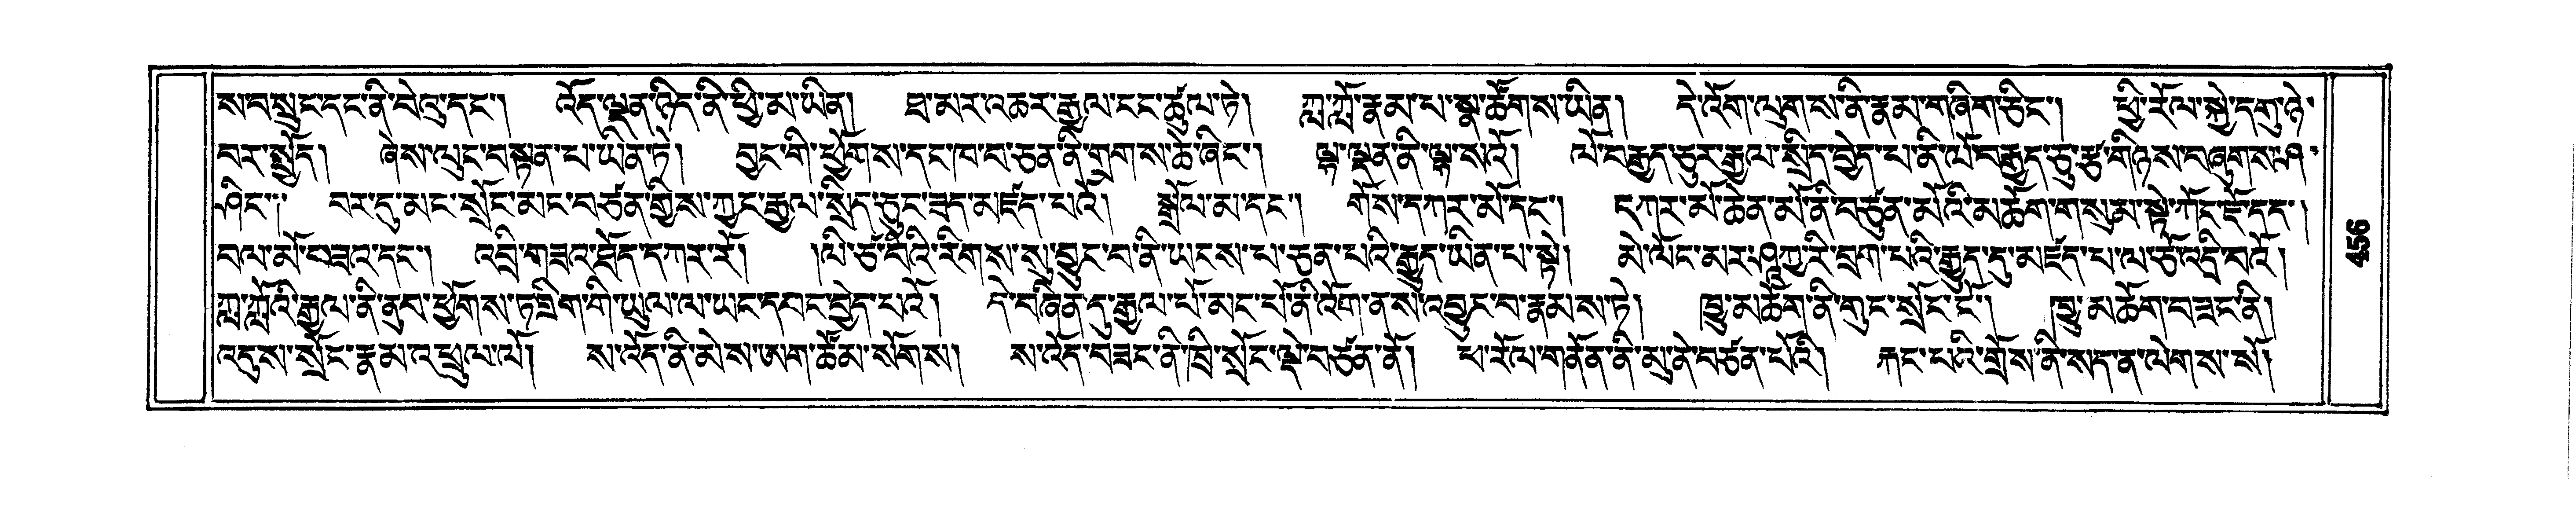ས་བསྲུང་དང་ནི་བེའུ་དང་། འོད་ལྡན་ཉིད་ནི་ཕྱི་མ་ཡིན། ཐ་མར་འཆར་རྒྱལ་ངང་ཚུལ་ཏེ། ཀླ་ཀློ་རྣམ་པ་སྣ་ཚོགས་ཡིན། དེ་འོག་ལུགས་ནི་རྣམ་གཞིག་ཅིང་། ཕྱི་རོལ་སྐྱེ་དགུ་ཉེ་
བར་སྤྱོད། །ཞེས་ལུང་བསྟན་པ་ཡིན་ཏེ། བྱང་གི་ཕྱོགས་དང་ཁ་བ་ཅན་ནི་གྲགས་ཆེ་ཞིང་། ལྷ་ལྡན་ནི་ལྷ་སའོ། །ལོ་བརྒྱད་ཅུར་རྒྱལ་སྲིད་བྱེད་པ་ནི་ལོ་བརྒྱད་ཅུ་རྩ་གཉིས་བཞུགས་ཤ་
ཤིང༑ བར་དུ་མང་སྲོང་མང་བཙན་གྱིས་ཀྱང་རྒྱལ་སྲིད་ཅུང་ཟད་མཛད་པའོ། སྒྲོལ་མ་དང་། གོས་དཀར་མོ་དང་། དཀར་མོ་ཆེན་མོ་ནི་བཙུན་མོའི་མཆོག་གསུམ་སྟེ་ཀོང་ཇོ་དང་།
བལ་མོ་བཟའ་དང་། འབྲི་གཟའ་ཐོད་དཀར་རོ། །ལི་ཙ་བའི་རིགས་སུ་བྱུང་བ་ནི་ཡངས་པ་ཅན་པའི་རྒྱུད་ཡིན་པ་སྟེ། མེ་ལོང་མར་ཤཱཀྱ་རི་བྲག་པའི་རྒྱུད་དུ་མཛད་པ་ལ་ཅོ་འདྲི་བའོ།
ཀླ་ཀློའི་རྒྱལ་ནི་ནུབ་ཕྱོགས་ཏ་ཟིག་གི་ཡུལ་ལ་ཡང་དབང་བྱེད་པའོ། དེ་བཞིན་དུ་རྒྱལ་པོ་མང་པོ་ནི་འོག་ནས་འབྱུང་བ་རྣམས་ཏེ། ཁྱུ་མཆོག་ནི་གུང་སྲོང་ངོ། ཁྱུ་མཆོག་བཟང་ནི།
འདུས་སྲོང་རྣམ་འཕྲུལ་ལོ། ས་འོད་ནི་མེས་ཨག་ཚོམ་སོགས། ས་འོད་བཟང་ནི་ཁྲི་སྲོང་ལྡེ་བཙན་ནོ། །ཕ་རོལ་གནོན་ནི་མུ་ནེ་བཙན་པོའི། རྐང་པའི་གྲོས་ནི་སད་ན་ལེགས་སོ།